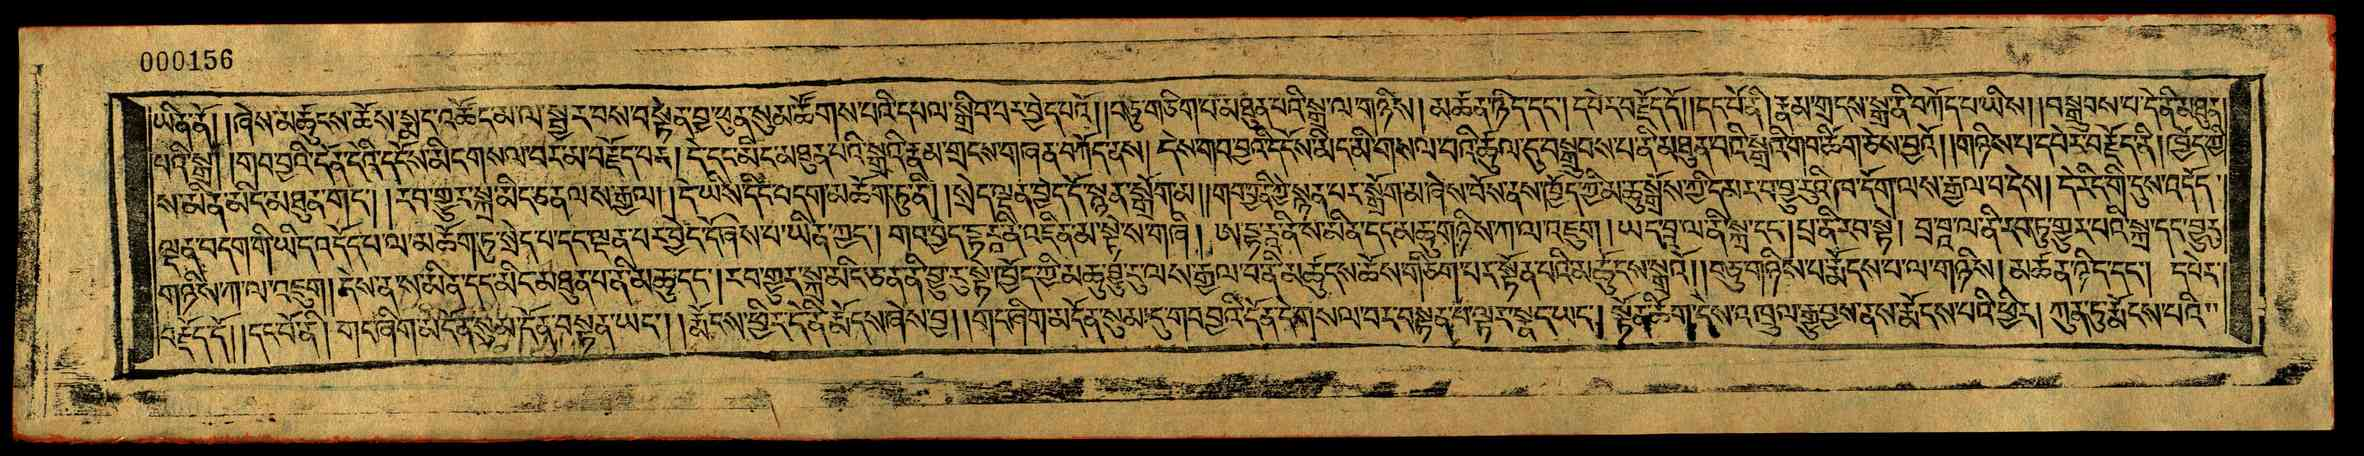ཡིན་ནོ། །ཞེས་མཚུངས་ཆོས་སྨད་འཚོང་མ་ལ་སྦྱར་བས་བསྟན་བྱ་ཕུན་སུམ་ཚོགས་པའི་དཔལ་སྒྲིབ་པར་བྱེད་པའོ། །བཅུ་གཅིག་པ་མཐུན་པའི་སྒྲ་ལ་གཉིས། མཚན་ཉིད་དང་། དཔེར་བརྗོད་དོ། །དང་པོ་ནི། རྣམ་གྲངས་སྒྲ་ནི་བཀོད་པ་ཡིས། །བསྒྲུབས་པ་དེ་ནི་མཐུན་
པའི་སྒྲ། །གབ་བྱའི་དོན་དེའི་དངོས་མིང་གསལ་བར་མ་བརྗོད་པར། དེ་དང་མིང་མཐུན་པའི་སྒྲའི་རྣམ་གྲངས་གཞན་བཀོད་ནས། དེས་གབ་བྱའི་དངོས་མིང་མི་གསལ་བའི་ཚུལ་དུ་བསྒྲུབས་པ་ནི་མཐུན་པའི་སྒྲའི་གབ་ཚིག་ཅེས་བྱའོ། །གཉིས་པ་དཔེར་བརྗོད་ནི། ཁྱོད་ཀྱི་
ས་མིན་མིང་མཐུན་གང་། །རབ་གྱུར་སྐྲ་མིང་ཅན་ལས་རྒྱལ། །དེ་ཡིས་དིང་བདག་མཆོག་ཏུ་ནི། །སྲེད་ལྡན་བྱེད་དོ་སྙན་སྒྲོག་མ། །གབ་བྱ་ནི་ཀྱེ་སྙན་པར་སྒྲོག་མ་ཞེས་བོས་ནས་ཁྱོད་ཀྱི་མཆུ་སྒྲོས་ཀྱི་དམར་བ་བྱུ་རུའི་ཁ་དོག་ལས་རྒྱལ་བ་དེས། དེ་རིང་གི་དུས་འདོད་
ལྡན་བདག་གི་ཡིད་འདོད་པ་ལ་མཆོག་ཏུ་སྲེད་པ་དང་ལྡན་པར་བྱེད་དོ་ཞེས་པ་ཡིན་ཀྱང་། གབ་བྱེད་དྷ་རཱ་ནི་འཛིན་མ་སྟེ་ས་གཞི། ཨ་དྷ་རཱ་ནི་ས་མིན་དང་མཆུ་གཉིས་ཀ་ལ་འཇུག །ཡང་བཱ་ལ་ནི་སྐྲ་དང་། པྲ་ནི་རབ་སྟེ། པྲ་བཱ་ལ་ནི་རབ་ཏུ་གྱུར་པའི་སྐྲ་དང་བྱུ་རུ་
གཉིས་ཀ་ལ་འཇུག། དེས་ནས་མིན་དང་མིང་མཐུན་པ་ནི་མཆུ་དང་། རབ་གྱུར་སྐྲ་མིང་ཅན་ནི་བྱུ་རུ་སྟེ་ཁྱོད་ཀྱི་མཆུ་བྱུ་རུ་ལས་རྒྱལ་བ་ནི་མཚུངས་ཆོས་གཅིག་པར་སྟོན་པའི་མཚུངས་སྒྲའོ། །བཅུ་གཉིས་པ་རྨོངས་པ་ལ་གཉིས། མཚན་ཉིད་དང་། དཔེར་
བརྗོད་དོ། །དང་པོ་ནི། གང་ཞིག་མངོན་སུམ་དོན་བསྟན་ཡང་། །རྨོངས་ཕྱིར་དེ་ནི་རྨོངས་ཞེས་བྱ། །གང་ཞིག་མངོན་སུམ་དུ་གབ་བྱའི་དོན་དེ་གསལ་བར་བསྟན་པ་ལྟར་སྣང་ཡང་། སྟོན་ཚིག་དེས་འཁྲུལ་རྒྱུ་བྱས་ནས་རྨོངས་པའི་ཕྱིར། ཀུན་ཏུ་རྨོངས་པའི་